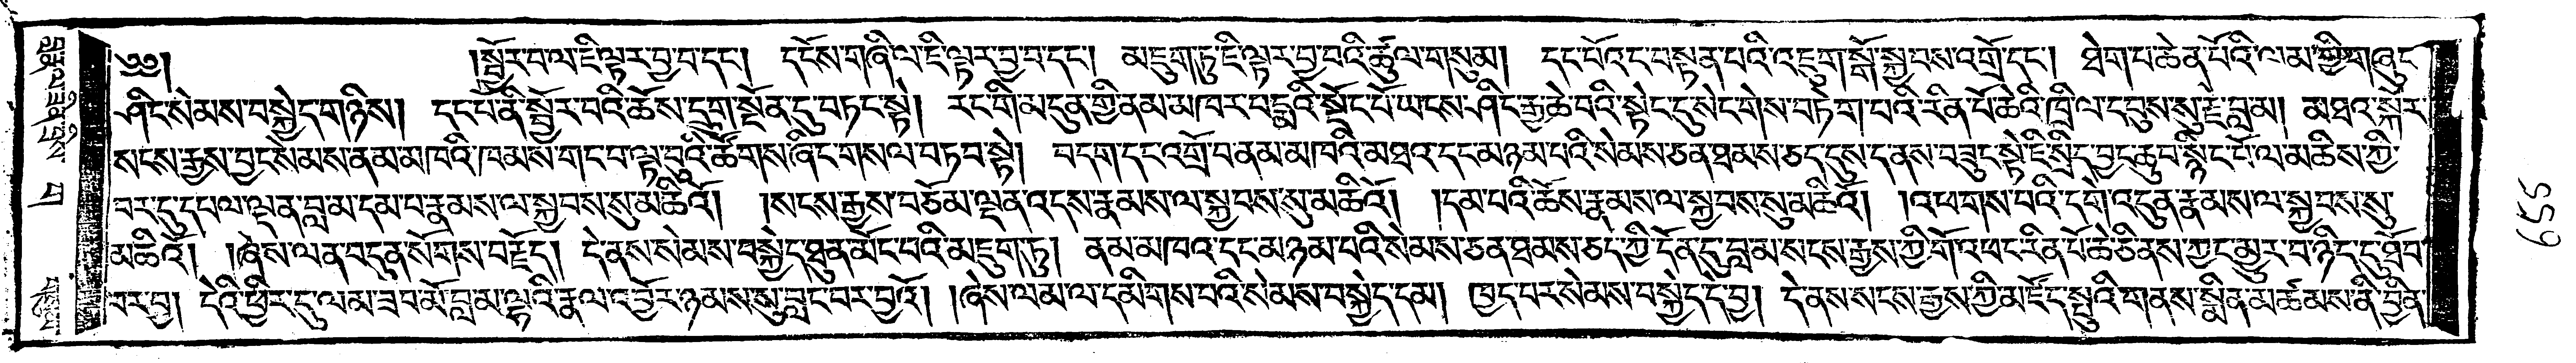༄༅། །སྦྱོར་བ་ལ་ཇི་ལྟར་བྱ་བ་དང་། དངོས་གཞི་ལ་ཇི་ལྟར་བྱ་བ་དང་། ཡ་ཇུག་ཏུ་ཇི་ལྟར་བྱ་བའི་ཚུལ་གསུམ། དང་པོའང་བསྟན་པའི་འཇུག་སྒོ་སྐྱབས་འགྲོ་དང་། ཐེག་པ་ཆེན་པོའི་ལམ་གྱི་གཞུང་
ཤིང་སེམས་བསྐྱེད་གཉིས། དང་པོ་ནི་སྦྱོར་བའི་ཆོས་དྲུག་སྔོན་དུ་བཏང་སྟེ། རང་གི་མདུན་གྱི་ནམ་མཁར་པདམའི་སྡོང་པོ་ཡངས་ཤིང་རྒྱ་ཆེ་བའི་སྟེང་དུ་སེང་གེས་བཏེག་པའི་རིན་པོ་ཆེའི་ཁྲི་ལ་དབུས་སུ་རྗེ་བླ་མ། མཐའ་སྐོར་
སངས་རྒྱས་བྱང་སེམས་ནམ་མཁའི་ཁམས་གང་བ་ལྟ་བུའི་ཚོགས་ཞིང་གསལ་བཏབ་སྟེ། བདག་དང་འགྲོ་བ་ནམ་མཁའི་མཐའ་དང་མཉམ་པའི་སེམས་ཅན་ཐམས་ཅད་དུས་ད་ནས་བཟུང་སྟེ་ཇི་སྲིད་བྱང་ཆུབ་སྙིང་པོ་ལ་མཆིས་ཀྱི་
བར་དུ་དཔལ་ལྡན་བླ་མ་དམ་པ་རྣམས་ལ་སྐྱབས་སུ་མཆིའོ། །སངས་རྒྱས་བཅོམ་ལྡན་འདས་རྣམས་ལ་སྐྱབས་སུ་མཆིའོ། །དམ་པའི་ཆོས་རྣམས་ལ་སྐྱབས་སུ་མཆིའོ། །འཕགས་པའི་དགེ་འདུན་རྣམས་ལ་སྐྱབས་སུ་
མཆིའོ། །ཞེས་ལན་བདུན་སོགས་བརྗོད། དེ་ནས་སེམས་བསྐྱེད་ཐུན་མོང་པའི་མཇུག་ཏུ། ནམ་མཁའ་དང་མཉམ་པའི་སེམས་ཅན་ཐམས་ཅད་ཀྱི་དོན་དུ་བླ་མ་སངས་རྒྱས་ཀྱི་གོ་འཕང་རིན་པོ་ཆེ་ཅི་ནས་ཀྱང་མྱུར་བ་ཉིད་དུ་ཐོབ་
བར་བྱ། དེའི་ཕྱིར་དུ་ལམ་ཟབ་མོ་བླ་མ་ལྷའི་རྣལ་འབྱོར་ཉམས་སུ་བླང་བར་བྱའོ། །ཞེས་ལམ་ལ་དམིགས་པའི་སེམས་བསྐྱེད་དམ། ཁྱད་པར་སེམས་བསྐྱེད་དེ་བྱ། དེ་ནས་སངས་རྒྱས་ཀྱི་མཛོད་སྤུའི་གནས་སྨིན་མཚམས་ནི་བྱིན་